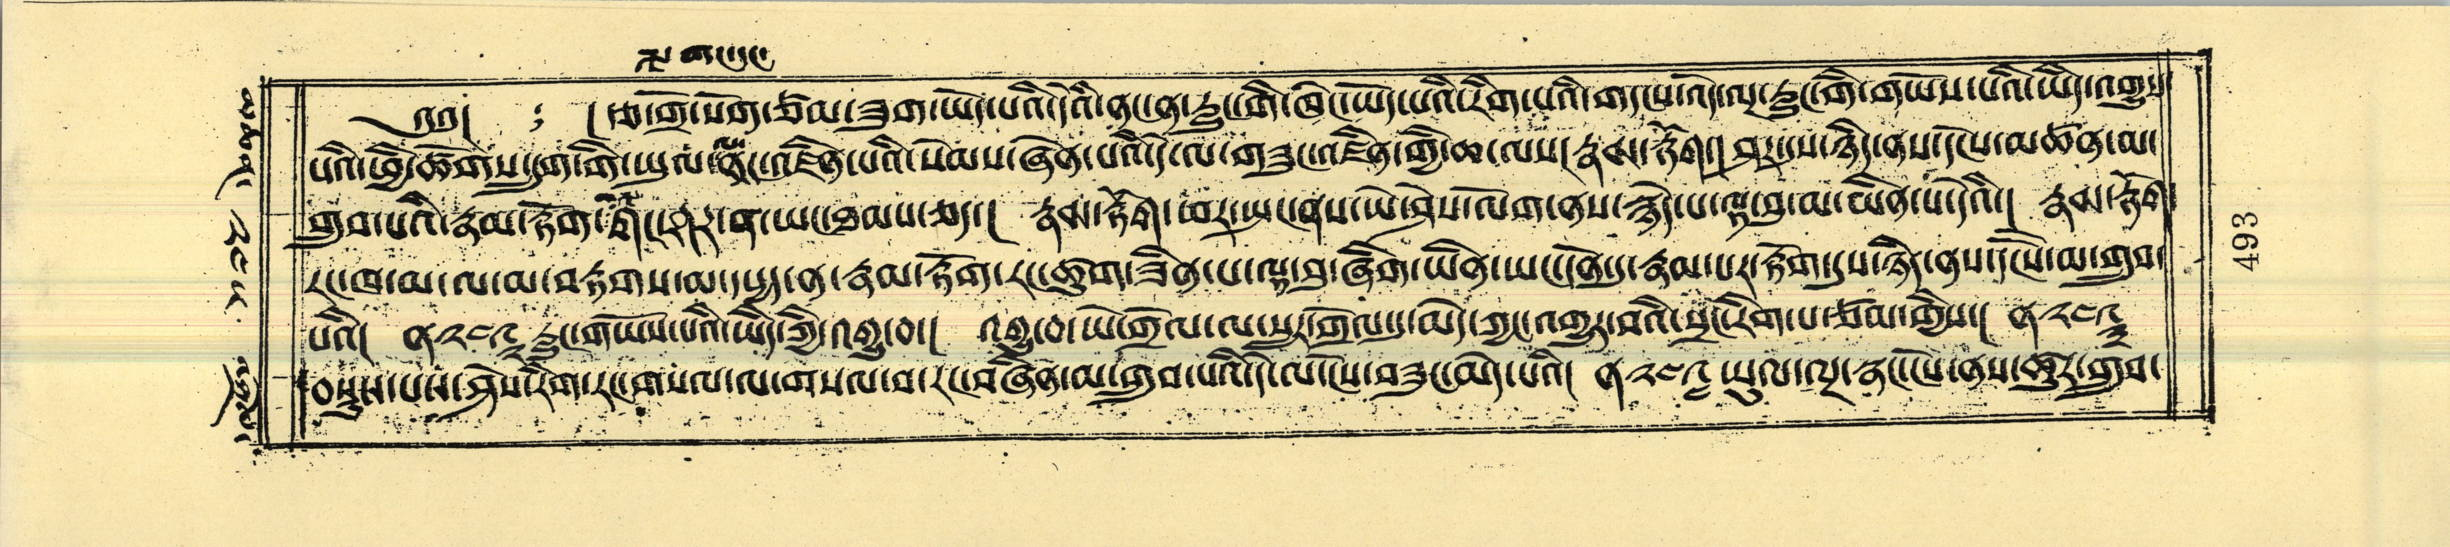རྩ་གྲོ་སོག་ཙམ་ཟུག་ཡོད་པའི་དེའི་ནང་ན་རླུང་གིས་ཁེངས་ཡོད་པའི་རིག་པའི་གདངས་འོད་ལྔ་རླུང་གིས་གཡོས་པའི་ཡིད་འགྱུས་
པའི་ཕྱི་ཚོགས་དྲུག་གི་ཡུལ་ལ་ནང་འཛིན་པའི་སེམས་ཞེན་པའི་དེ་ལ་གཟུང་འཛིན་གྱི་ཆ་ལས་༼རྣམ་རྟོག༽ཤར་དུས་ཉིད་ནས་དངོས་མཚན་མ་
གྲུབ་པའི་རྣམ་རྟོག་གང་དང་གང་༼ཤར་ན་ཡང༽ཐམས་ཅད་༼རྣམ་རྟོག༼ཕར་སྤངས་ནས་ཡེ་ཤེས་ལོགས་ནས་རྙེད་པ་ལྟ་བུ་མ་ཡིན་པ་དེའི་རྣམ་རྟོག་
རང་ཁ་མ་ལ་མ་བརྟགས་མ་དཔྱད་ན་རྣམ་རྟོག་རང་ཚུགས་ཟིན་པ་ལྟ་བུ་ཞིག་ཡིན་ཡང་དོན་དུ་རྣམ་པར་རྟོག་དུས་ཉིད་ནས་དངོས་པོ་མ་གྲུབ་
པའི་ན༢༤༩།༢རླུང་གཡོས་པའི་ཡིད་ཀྱི་༼འགྱུ་བ༽༼འགྱུ་བ༽ཡེ་གྲོལ་ལ་སླར་གྲོལ་དུ་མེད་ཀྱང་། འགྱུར་བའི་སྲང་རིག་པ་ཙམ་གྱིས་ན༢༤༩།༣
༼བསྡུས་པས༽ཤེས་རིག་རང་གསལ་ལ་རང་བཞིན་མ་གྲུབ་པའི་དེ་ལ་ངོས་བཟུང་མེད་པའི་ན༢༤༩།༤༼ཡུལ་ལྔ༽སྣང་ངོས་ནས་ཚུར་གྲུབ་